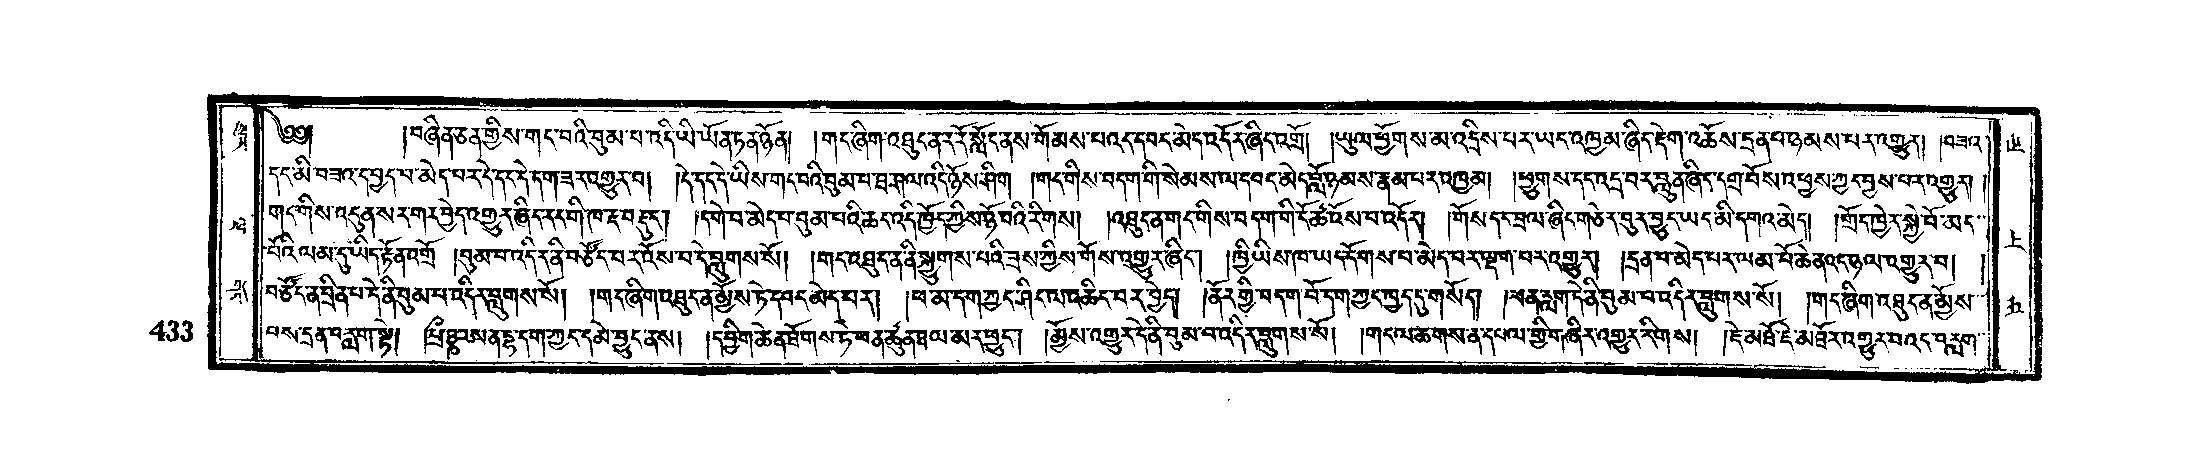༄༅། །བཞིན་ཅན་གྱིས་གང་བའི་བུམ་པ་འདི་ཡི་ཡོན་ཏན་ཉོན། །གང་ཞིག་འཐུང་ན་ར་རོ་སློང་ནས་གོམས་པའང་དབང་མེད་འདོར་ཞིང་འགྲོ། །ཡུལ་ཕྱོགས་མ་འདྲིས་པར་ཡང་འཁྱམ་ཞིང་རྡེག་འཆོས་དྲན་པ་ཉམས་པར་འགྱུར། །བཟའ་
དང་མི་བཟའ་དཔྱད་པ་མེད་པར་དེ་དང་དེ་དག་ཟར་འགྱུར་བ། །དེ་དང་དེ་ཡིས་གང་བའི་བུམ་པ་ཐ་ཤལ་འདི་ཉོས་ཤིག །གང་གིས་བདག་གི་སེམས་ལ་དབང་མེད་བློ་ཉམས་རྣམ་པར་འཁྱམ། །ཕྱུགས་དང་འདྲ་བར་བླུན་ཞིང་དགྲ་བོས་འཕྱས་ཀྱང་བྱས་པར་འགྱུར། །
གང་གིས་འདུན་སར་གར་བྱེད་འགྱུར་ཞིང་རང་གི་ཁ་རྔ་བརྡུང་། །དགེ་བ་མེད་པ་བུམ་པའི་ཆང་འདི་ཁྱོད་ཀྱིས་ཉོ་བའི་རིགས། །འཐུང་ན་གང་གིས་བདག་གི་ངོ་ཚ་འོས་པ་འདོར། །གོས་དང་བྲལ་ཞིང་གཅེར་བུར་བྱུང་ཡང་མི་དགའ་མེད། །གྲོང་ཁྱེར་སྐྱེ་བོ་མང་
པོའི་ལམ་དུ་ཡིད་རྟོན་འགྲོ་།བུམ་པ་འདིར་ནི་བཙོང་བར་འོས་པ་དེ་བླུགས་སོ། །གང་འཐུང་ན་ནི་སྐྱུགས་པའི་ཟས་ཀྱིས་གོས་འགྱུར་ཞིང་། །ཁྱི་ཡིས་ཁ་ཡང་དོགས་པ་མེད་པར་ལྡག་པར་འགྱུར། །དྲན་པ་མེད་པར་ལམ་པོ་ཆེ་ནའང་ཉལ་འགྱུར་བ། །
བཙོང་ན་བྲིན་པ་དེ་ནི་བུམ་པ་འདིར་བླུགས་སོ། །གང་ཞིག་འཐུང་ན་མྱོས་ཏེ་དབང་མེད་པར། །ཕ་མ་དག་ཀྱང་ཤིང་ལ་འཆིང་བར་བྱེད། །ནོར་གྱི་བདག་པོ་དག་ཀྱང་ཁྱད་དུ་གསོད། །ཕན་རླག་དེ་ནི་བུམ་པ་འདིར་བླུགས་སོ། །གང་ཞིག་འཐུང་ན་མྱོས་
པས་དྲན་བརླག་སྟེ། །པྲྀཥཊཿཨ་ཨན་དྷ་དག་ཀྱང་དམེ་བྱུང་ནས། །དབྱིག་ཆེན་ཐོགས་ཏེ་ཕན་ཚུན་ཐལ་མར་ཕྱུང་། །མྱོས་འགྱུར་དེ་ནི་བུམ་པ་འདིར་བླུགས་སོ། །གང་ལ་ཆགས་ན་དཔལ་གྱི་གཞིར་འགྱུར་རིགས། །ཇེ་མཐོ་ཇེ་མཐོར་འགྱུར་བའང་བརླག་